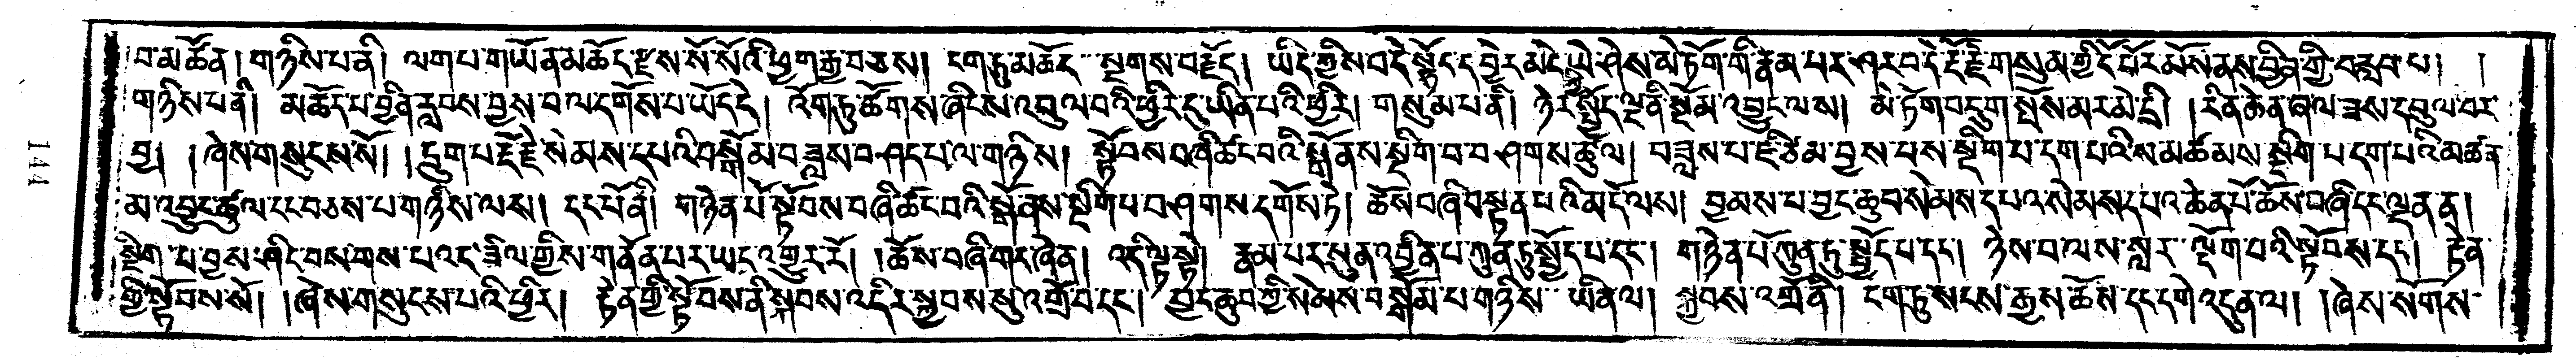བ་མཚོན། གཉིས་པ་ནི། ལག་པ་གཡོན་མཆོད་རྫས་སོ་སོའི་ཕྱག་རྒྱ་བཅས། ངག་ཏུ་མཆོད་སྔགས་བརྗོད། ཡིད་ཀྱིས་བདེ་སྟོང་དབྱེར་མེད་ཡེ་ཤེས་མེ་ཏོག་གི་རྣམ་པར་ཤར་བ་དེ་རྡོ་རྗེ་གསུམ་གྱི་ངོ་བོར་མོས་ནས་བྱིན་གྱི་བརླབ་པ། །
གཉིས་པ་ནི། མཆོད་པ་བྱིན་རླབས་བྱས་བ་ལ་དགོས་པ་ཡོད་དེ། འོག་ཏུ་ཚོགས་ཞིངས་འབུལ་བའི་ཕྱིར་དུ་ཡིན་པའི་ཕྱིར། གསུམ་པ་ནི། ཉེར་སྤྱོད་ལྔ་ནི་སྡོམ་འབྱུང་ལས། མེ་ཏོག་བདུག་སྤོས་མར་མེ་དྲི། །རིན་ཆེན་ཞལ་ཟས་དབུལ་བར་
བྱ། །ཞེས་གསུངས་སོ། །དྲུག་པ་རྡོ་རྗེ་སེམས་དཔའི་བསྒོམ་བཟླས་བཤད་པ་ལ་གཉིས། སྟོབས་བཞི་ཚང་བའི་སྒོ་ནས་སྡིག་བ་བཤགས་ཚུལ། བཟླས་པ་ཇི་ཙམ་བྱས་པས་སྡིག་པ་དག་པའི་ས་མཚམས་སྡིག་པ་དག་པའི་མཚན་
མ་འབྱུང་ཚུལ་ངང་བཅས་པ་གཉིས་ལས། དང་པོ་ནི། གཉེན་པོ་སྟོབས་བཞི་ཚང་བའི་སྒོ་ནས་སྡིག་པ་བཤགས་དགོས་ཏེ། ཆོས་བཞི་བསྟན་པའི་མདོ་ལས། བྱམས་པ་བྱང་ཆུབ་སེམས་དཔའ་སེམས་དཔའ་ཆེན་པོ་ཆོས་བཞི་དང་ལྡན་ན།
སྡིག་པ་བྱས་ཤིང་བསགས་པའང་ཟིལ་གྱིས་གནོན་པར་ཡང་འགྱུར་རོ། །ཆོས་བཞི་གང་ཞེན། འདི་ལྟ་སྟེ། རྣམ་པར་སུན་འབྱིན་པ་ཀུན་ཏུ་སྤྱོད་པ་དང་། གཉེན་པོ་ཀུན་ཏུ་སྤྱོད་པ་དང་། ཉེས་བ་ལས་སླར་ལྡོག་པའི་སྟོབས་དང་། རྟེན་
གྱི་སྟོབས་སོ། །ཞེས་གསུངས་པའི་ཕྱིར། རྟེན་གྱི་སྟོབས་ནི་སྐབས་འདིར་སྐྱབས་སུ་འགྲོ་བ་དང་། བྱང་ཆུབ་ཀྱི་སེམས་བསྒོམ་པ་གཉིས་ཡིན་ལ། སྐྱབས་འགྲོ་ནི། ངག་ཏུ་སངས་རྒྱས་ཆོས་དང་དགེ་འདུན་ལ། །ཞེས་སོགས་